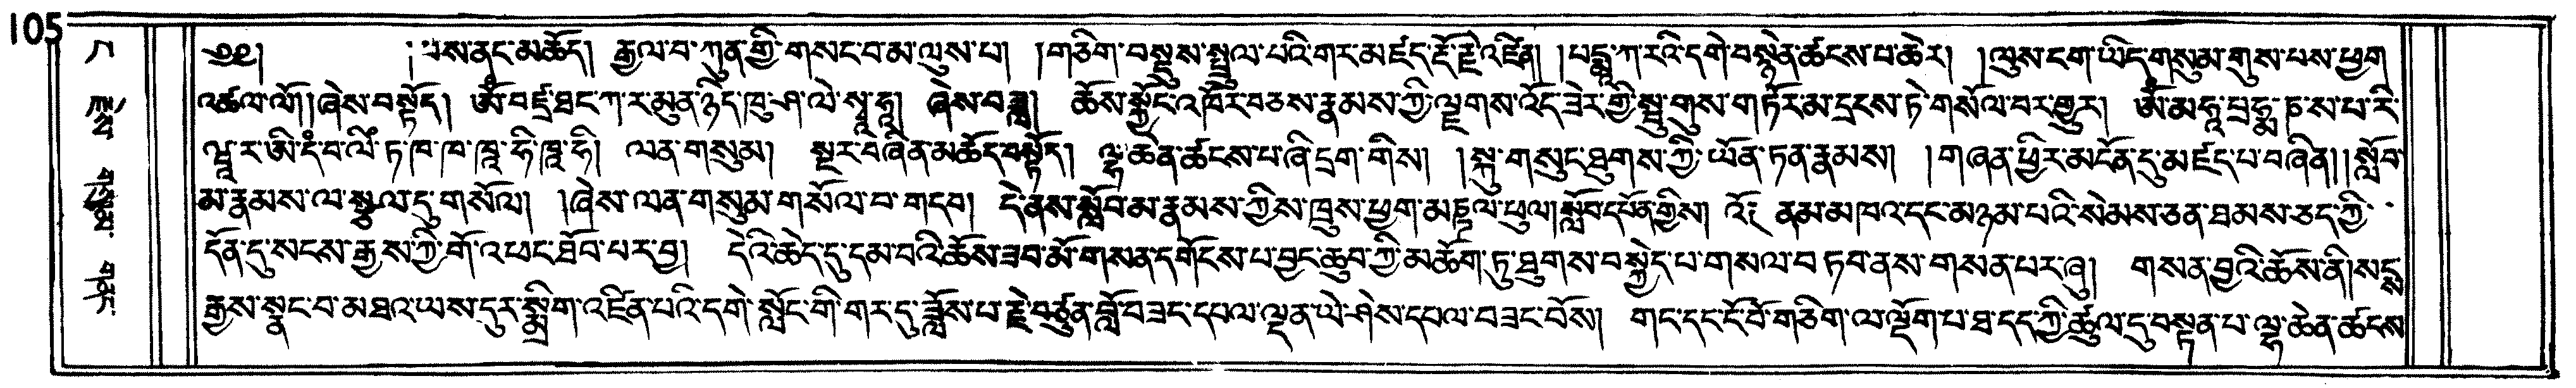༄༅། །པས་ནང་མཆོད། རྒྱལ་བ་ཀུན་གྱི་གསང་བ་མ་ལུས་པ། །གཅིག་བསྡུས་སྤྲུལ་པའི་གར་མཛད་རྡོ་རྗེ་འཛིན། །པདམཱ་ཀ་རའི་དགེ་བསྙེན་ཚངས་པ་ཆེར། །ལུས་ངག་ཡིད་གསུམ་གུས་པས་ཕྱག་
འཚལ་ལོ། །ཞེས་བསྟོད། ཨོཾ་བྫྲ་ཐང་ཀ་ར་མུན་ཉིད་ཁུ་ཤ་ལེ་སྭཱ་ཧཱ། ཞེས་བཟླ། ཆོས་སྐྱོང་འཁོར་བཅས་རྣམས་ཀྱི་ལྗགས་འོད་ཟེར་གྱི་སྦུ་གུས་གཏོར་མ་དྲངས་ཏེ་གསོལ་བར་གྱུར། ཨོཾ་མྷཱ་པྲཧྨ་ཎ་ས་པ་རི་
ཝཱ་ར་ཨི་དཾ་བ་ལིཾ་ཏ་ཁ་ཁ་ཁཱ་ཧི་ཁཱ་ཧི། ལན་གསུམ། སྔར་བཞིན་མཆོད་བསྟོད། ལྷ་ཆེན་ཚངས་པ་ཞི་དྲག་གིས། །སྐུ་གསུང་ཐུགས་ཀྱི་ཡོན་ཏན་རྣམས། །གཞན་ཕྱིར་མངོན་དུ་མཛད་པ་བཞིན། །སློབ་
མ་རྣམས་ལ་སྩལ་དུ་གསོལ། །ཞེས་ལན་གསུམ་གསོལ་བ་གདབ། དེ་ནས་སློབ་མ་རྣམས་ཀྱིས་ཁྲུས་ཕྱག་མཎྜལ་ཕུལ། སློབ་དཔོན་གྱིས། འོ༑ ནམ་མཁའ་དང་མཉམ་པའི་སེམས་ཅན་ཐམས་ཅད་ཀྱི་
དོན་དུ་སངས་རྒྱས་ཀྱི་གོ་འཕང་ཐོབ་པར་བྱ། དེའི་ཆེད་དུ་དམ་པའི་ཆོས་ཟབ་མོ་གསན་དགོངས་པ་བྱང་ཆུབ་ཀྱི་མཆོག་ཏུ་ཐུགས་བསྐྱེད་པ་གསལ་བཏབ་ནས་གསན་པར་ཞུ། གསན་བྱའི་ཆོས་ནི། སངས་
རྒྱས་སྣང་བ་མཐའ་ཡས་ངུར་སྨྲིག་འཛིན་པའི་དགེ་སློང་གི་གར་དུ་ཟློས་པ་རྗེ་བཙུན་བློ་བཟང་དཔལ་ལྡན་ཡེ་ཤེས་དཔལ་བཟང་པོས། གང་དང་ངོ་བོ་གཅིག་ལ་ལྡོག་པ་ཐ་དད་ཀྱི་ཚུལ་དུ་བསྟན་པ་ལྷ་ཆེན་ཚངས་